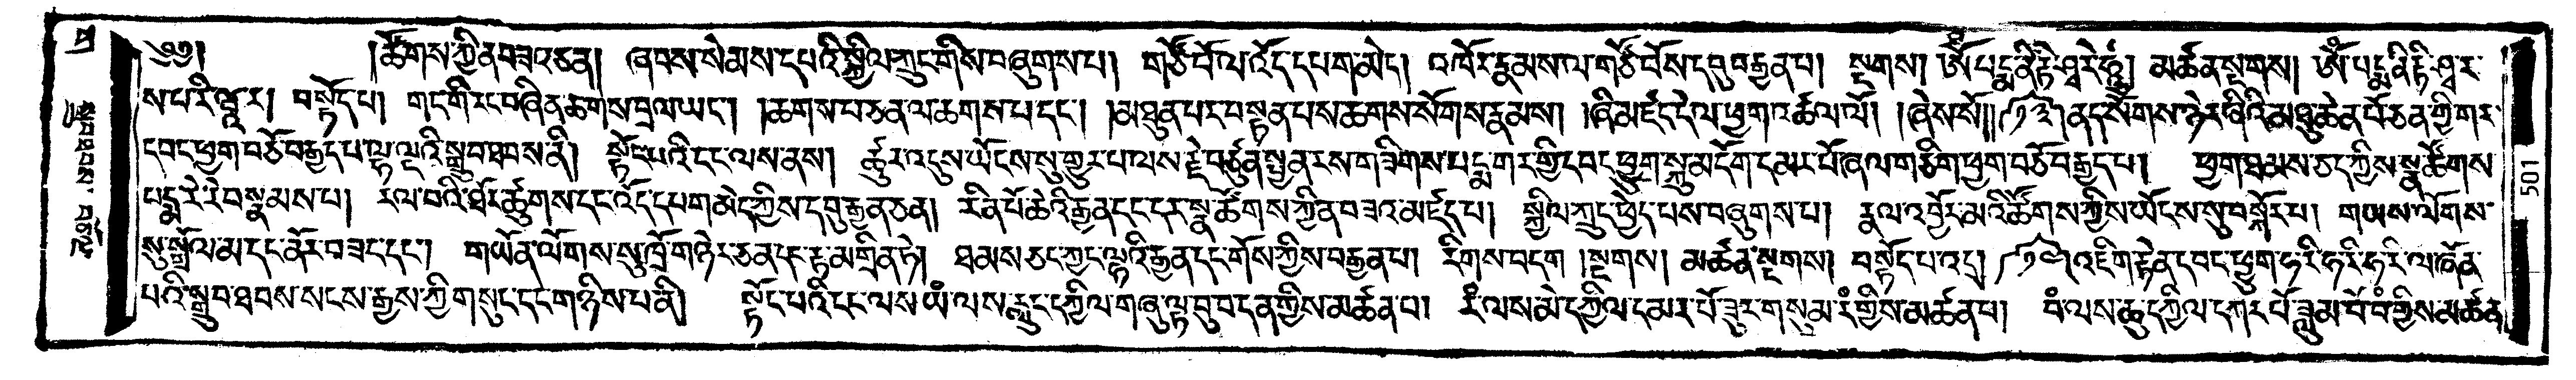༄༅། །ཚོགས་ཀྱི་ན་བཟའ་ཅན། ཞབས་སེམས་དཔའི་སྐྱིལ་ཀྲུང་གིས་བཞུགས་པ། གཙོ་བོ་ལ་འོད་དཔག་མེད། འཁོར་རྣམས་ལ་གཙོ་བོས་དབུ་བརྒྱན་པ། སྔགས། ཨོཾ་པདམ་ནི་རྟེན་ཤྭ་རེ་ཧཱུཾ། མཚན་སྔགས། ཨོཾ་པདམ་ནི་རྟི་ཤྭ་ར་
ས་པ་རི་ཝཱ་ར། བསྟོད་པ། གང་གི་རང་བཞིན་ཆགས་བྲལ་ཡང་། །ཆགས་པ་ཅན་ལ་ཆགས་པ་དང་། །མཐུན་པར་བསྟན་པས་ཆགས་སོགས་རྣམས། །ཞི་མཛད་དེ་ལ་ཕྱག་འཚལ་ལོ། །ཞེས་སོ། །༡༣?་ནད་སོགས་ཉེར་ཞིའི་མཐུ་ཆེན་པོ་ཅན་གྱི་གར་
དབང་ཕྱག་བཅོ་བརྒྱད་པ་ལྷ་ལྔའི་སྒྲུབ་ཐབས་ནི། སྟོང་པའི་ངང་ལས་ནས། ཚུར་འདུས་ཡོངས་སུ་གྱུར་པ་ལས་རྗེ་བཙུན་སྤྱན་རས་གཟིགས་པདམ་གར་གྱི་དབང་ཕྱུག་སྐུ་མདོག་དམར་པོ་ཞལ་གཅིག་ཕྱག་བཅོ་བརྒྱད་པ། ཕྱག་ཐམས་ཅད་ཀྱིས་སྣ་ཚོགས་
པདམ་རེ་རེ་བསྣམས་པ། རལ་བའི་ཐོར་ཚུགས་དང་འོད་དཔག་མེད་ཀྱིས་དབུ་རྒྱན་ཅན། རིན་པོ་ཆེའི་རྒྱན་དང་དར་སྣ་ཚོགས་ཀྱི་ན་བཟའ་མཛད་པ། སྐྱིལ་ཀྲུང་ཕྱེད་པས་བཞུགས་པ། རྣལ་འབྱོར་མའི་ཚོགས་ཀྱིས་ཡོངས་སུ་བསྐོར་པ། གཡས་ལོགས་
སུ་སྒྲོལ་མ་དང་ནོར་བཟང་དང་། གཡོན་ལོགས་སུ་ཁྲོ་གཉེར་ཅན་དང་རྟ་མགྲིན་ཏེ། ཐམས་ཅད་ཀྱང་ལྷའི་རྒྱན་དང་གོས་ཀྱིས་བརྒྱན་པ། རིགས་བདག །སྔགས། མཚན་སྔགས། བསྟོད་པ་འདྲ། ༡༤?་འཇིག་རྟེན་དབང་ཕྱུག་ཧ་རི་ཧ་རི་ཧ་རི་ལ་ཞོན་
པའི་སྒྲུབ་ཐབས་སངས་རྒྱས་ཀྱི་གསུང་དང་གཉིས་པ་ནི། སྟོང་པའི་ངང་ལས་ཡཾ་ལས་རླུང་དཀྱིལ་གཞུ་ལྟ་བུ་བ་དན་གྱིས་མཚན་པ། རཾ་ལས་མེ་དཀྱིལ་དམར་པོ་ཟུར་གསུམ་རཾ་གྱིས་མཚན་པ། བཾ་ལས་ཆུ་དཀྱིལ་དཀར་པོ་ཟླུམ་པོ་བམ་གྱིས་མཚན་